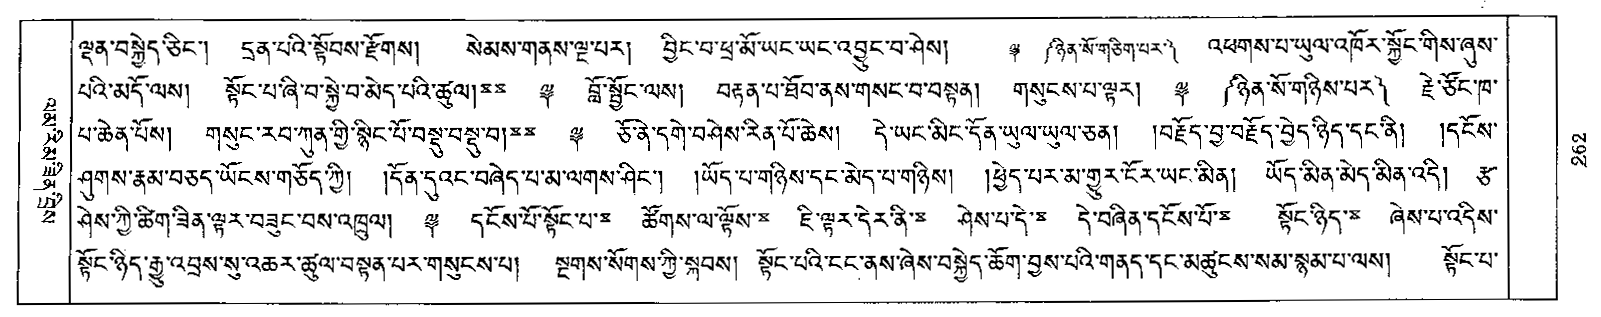ལྡན་བསྐྱེད་ཅིང་། དྲན་པའི་སྟོབས་རྫོགས། སེམས་གནས་ལྔ་པར། བྱིང་བ་ཕྲ་མོ་ཡང་ཡང་འབྱུང་བ་ཤེས། ༈ ཉིན་སོ་གཅིག་པར྄་འཕགས་པ་ཡུལ་འཁོར་སྐྱོང་གིས་ཞུས་
པའི་མདོ་ལས། སྟོང་པ་ཞི་བ་སྐྱེ་བ་མེད་པའི་ཚུལ། ྾྾་༈ བློ་སྦྱོང་ལས། བརྟན་པ་ཐོབ་ནས་གསང་བ་བསྟན། གསུངས་པ་ལྟར། ༈ ཉིན་སོ་གཉིས་པར྄་རྗེ་ཙོང་ཁ་
པ་ཆེན་པོས། གསུང་རབ་ཀུན་གྱི་སྙིང་པོ་བསྡུ་བསྡུ་བ། ྾྾་༈ ཅོ་ནེ་དགེ་བཤེས་རིན་པོ་ཆེས། དེ་ཡང་མིང་དོན་ཡུལ་ཡུལ་ཅན། །བརྗོད་བྱ་བརྗོད་བྱེད་ཉིད་དང་ནི། །དངོས་
ཤུགས་རྣམ་བཅད་ཡོངས་གཅོད་ཀྱི། །དོན་དུའང་བཞེད་པ་མ་ལགས་ཤིང་། །ཡོད་པ་གཉིས་དང་མེད་པ་གཉིས། །ཕྱེད་པར་མ་གྱུར་ངོར་ཡང་མིན། ཡོད་མིན་མེད་མིན་འདི། རྩ་
ཤེས་ཀྱི་ཚིག་ཟིན་ལྟར་བཟུང་བས་འཁྲུལ། ༈ དངོས་པོ་སྟོང་པ་྾་ཚོགས་ལ་ལྟོས་྾་ཇི་ལྟར་དེར་ནི་྾་ཤེས་པ་དེ་྾་དེ་བཞིན་དངོས་པོ་྾་སྟོང་ཉིད་྾་ཞེས་པ་འདིས་
སྟོང་ཉིད་རྒྱུ་འབྲས་སུ་འཆར་ཚུལ་བསྟན་པར་གསུངས་པ། སྔགས་སོགས་ཀྱི་སྐབས། སྟོང་པའི་ངང་ནས་ཞེས་བསྐྱེད་ཆོག་བྱས་པའི་གནད་དང་མཚུངས་སམ་སྙམ་པ་ལས། སྟོང་པ་